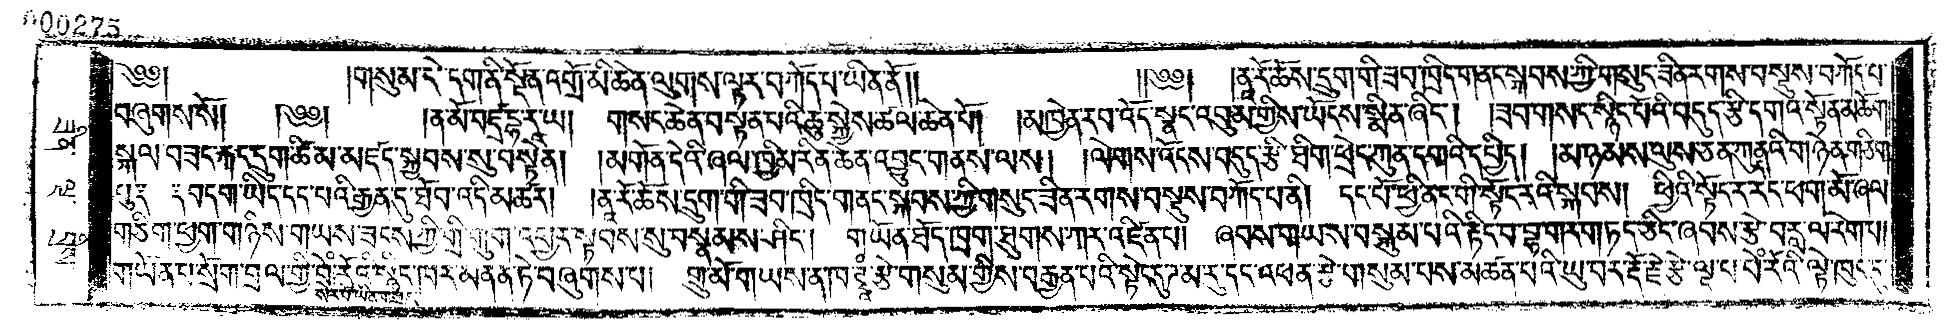༄༅། །གསུམ་དེ་དག་ནི་སྔོན་འགྲོ་མི་ཆེན་ལུགས་ལྟར་བཀོད་པ་ཡིན་ནོ།། །།༄༅། །ནཱ་རོ་ཆོས་དྲུག་གི་ཟབ་ཁྲིད་གནང་སྐབས་ཀྱི་གསུང་ཟིན་རགས་བསྡུས་བཀོད་པ་
བཞུགས་སོ། ། ༄༅། །ན་མོ་བཛྲ་དྷ་རཱ་ཡ། གསང་ཆེན་བསྟན་པའི་ཆུ་སྐྱེས་ཚལ་ཆེན་པོ། །མཁྱེན་རབ་འོད་སྣང་འབུམ་གྱིས་ཡོངས་སྨིན་ཞིང་། །ཟབ་གསང་སྙིང་པོའི་བདུད་རྩི་དགའ་སྟོན་མཆོག་
སྐལ་བཟང་རྐང་དྲུག་ཚིམ་མཛད་སྐྱབས་སུ་བསྟེན། །མགོན་དེའི་ཞལ་ཁྱིམ་རིན་ཆེན་འབྱུང་གནས་ལས། །ལེགས་འོངས་བདུད་རྩི་ཐིག་ཕྲེང་ཀུན་དགའི་དཔྱིད། །མ་ཉམས་ལུས་ཅན་ཀུན་དའི་གཉེན་གཅིག་
པུ༑ ༑བདག་ཡིད་དད་པའི་རྒྱན་དུ་ཐོབ་འདི་མཚར། །ནཱ་རོ་ཆོས་དྲུག་གི་ཟབ་ཁྲིད་གནང་སྐབས་ཀྱི་གསུང་ཟིན་རགས་བསྡུས་བཀོད་པ་ནི། དང་པོ་ཕྱི་ནང་གི་སྟོང་རའི་སྐབས། ཕྱིའི་སྟོང་ར་རང་ཕག་མོ་ཞལ་
གཅིག་ཕྱག་གཉིས་གཡས་ཟངས་ཀྱི་གྲི་གུག་འཕྱར་སྟབས་སུ་བསྣམས་ཤིང་། གཡོན་ཐོད་ཁྲག་ཐུགས་ཀར་འཛིན་པ། ཞབས་གཡས་བསྐུམ་པའི་རྟིང་བ་བྷ་གར་གཏད་ཅིང་ཞབས་རྩེ་བརླ་ལ་རེག་པ།
གཡོན་པ་སྲོག་བྲལ་གྱི་བེཾ་སེར་པོ་ཡིན་གསུང་རོའི་སྙིང་ཁར་མནན་ཏེ་བཞུགས་པ། གྲུ་མོ་གཡས་ན་ཁ་ཊྭཱཾ་རྩེ་གསུམ་གྱིས་བརྒྱན་པའི་སྟེང་དུགས་མ་རུ་དང་འཕན་རྩེ་གསུམ་པས་མཚན་པའི་ཡུ་བར་རྡོ་རྗེ་རྩེ་ལྔ་པ་བེཾ་རོའི་ལྟེ་ཁུང་དུ་